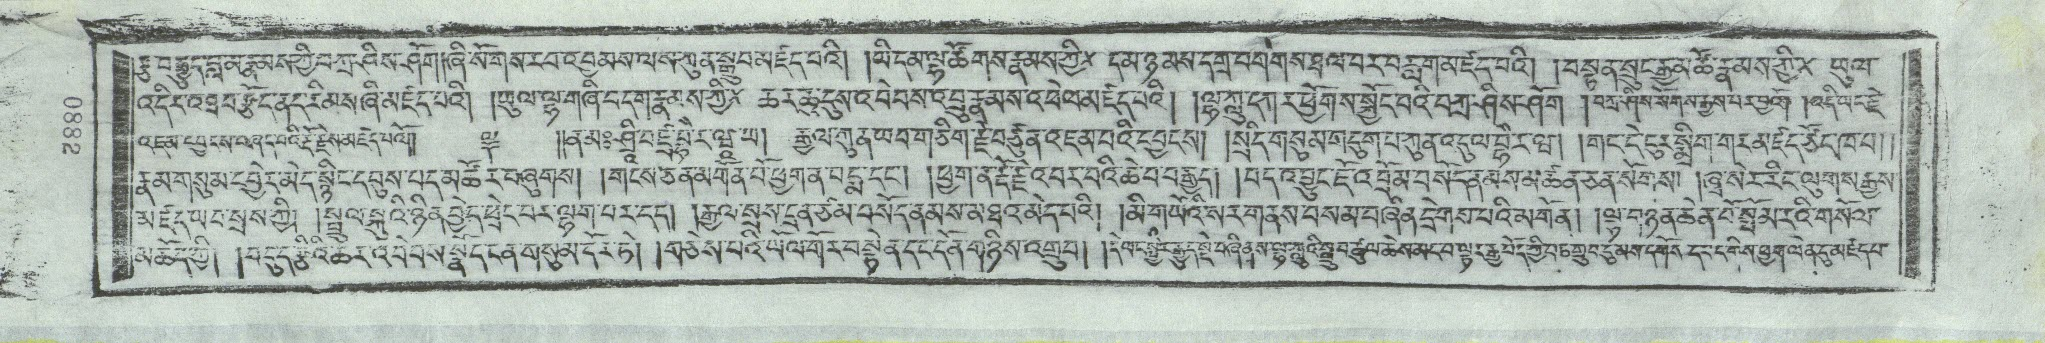རྩ་བརྒྱུད་བླ་མ་རྣམས་ཀྱི་བཀྲ་ཤིས་ཤོག། ཞི་སོགས་རབ་འབྱམས་ལས་ཀུན་སྒྲུབ་མཛད་པའི། །ཡི་དམ་ལྷ་ཚོགས་རྣམས་ཀྱི་྾་དམ་ཉམས་དགྲ་བགེགས་ཐལ་བར་བརླག་མཛད་པའི། །བསྟན་སྲུང་རྒྱ་མཚོ་རྣམས་ཀྱི་྾་ཡུལ་
འདིར་འཐབ་རྩོད་ནང་རིམས་ཞི་མཛད་པའི། །ཡུལ་ལྷ་གཞི་བཞག་བདག་རྣམས་ཀྱི་྾་ཆར་ཆུ་དུས་འབེབས་འབྲུ་རྣམས་འཕེལ་མཛད་པའི། །ལྷ་ཀླུ་དཀར་ཕྱོགས་སྐྱོང་པའི་བཀྲ་ཤིས་ཤོག། །?  ཤིས་སོགས་རྒྱས་པར་བྱའོ། །འདི་ཡང་རྗེ་
འཇམ་དབྱངས་བཞད་པའི་རྡོ་རྗེས་མཛད་པའོ།། ༈ །།ནམཿ ཤྲཱི་བཛྲ་བྷཻ་ར་ཝཱ་ཡ། རྒྱལ་ཀུན་ཡབ་གཅིག་རྗེ་བཙུན་འཇམ་པའི་དབྱངས། །སྲིད་གསུམ་གདུག་པ་ཀུན་འདུལ་བྷཻ་ར་ཝ། །གང་དེ་ངུར་སྨྲིག་གར་མཛད་ཙོང་ཁ་བ།།
རྣམ་གསུམ་དབྱེར་མེད་སྙིང་དབུས་པད་མཚོར་བཞུགས། །གངས་ཅན་མགོན་པོ་ཕྱག་ན་པདམ་དང་། །ཕྱག་ན་རྡོ་རྗེ་འབར་བའི་ཆེ་བ་བརྒྱད། །པད་འབྱུང་ཇོ་འབྲོམ་བསོད་ནམས་མཚན་ཅན་སོགས། །ཞྭ་སེར་རིང་ལུགས་རྒྱས་
མཛད་ཡབ་སྲས་ཀྱི། །སྦྲུལ་སྐུའི་ཉིན་བྱེད་ཕྲེང་བར་ལྷག་པར་དང་། །རྒྱལ་སྲས་དྲན་ཙམ་བསོད་ནམས་མཐའ་མེད་པའི། །མི་གཡོའི་སར་གནས་བསམ་བཞིན་དྲགས་པའི་མགོན། །ལྷ་གཉན་ཆེན་བོ་སྦོམ་རའི་གསོལ་
མཆོད་ཀྱི། །བདུད་རྩིའི་ཆར་འབེབས་སྣོད་ངན་གསུམ་དོར་ཏེ། །གཅེས་པའི་ཡོལ་གོར་བསྟེན་དང་དོན་གཉིས་འགྲུབ། །དེ་ཡང་སྤྱིར་རྒྱུད་སྡེ་བཞི་ནས་ལྷ་ཀླུའི་སྒྲུབ་ཚུལ་ཆེས་མང་བ་ལྟར་རྒྱ་བོད་ཀྱི་པཎ་གྲུབ་དུ་མས་དགོས་ཕྱག་ལེན་དུ་མ?་པ་